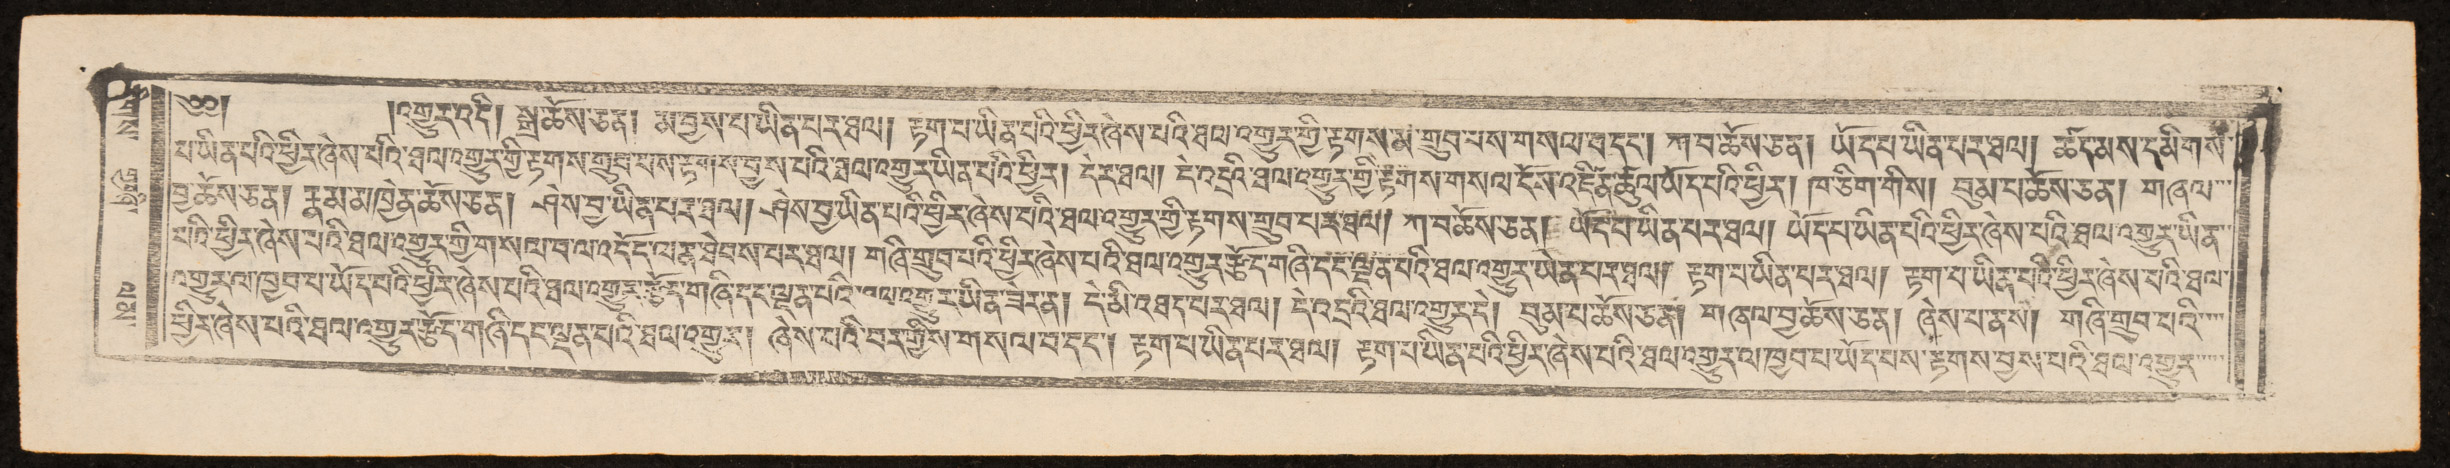༄༅། །འགྱུར་འདི། སྒྲ་ཆོས་ཅན། མ་བྱས་པ་ཡིན་པར་ཐལ། རྟག་པ་ཡིན་པའི་ཕྱིར་ཞེས་པའི་ཐལ་འགྱུར་གྱི་རྟགས་མ་གྲུབ་པས་གསལ་བ་དང་། ཀ་བ་ཆོས་ཅན། ཡོད་པ་ཡིན་པར་ཐལ། ཚད་མས་དམིགས་
པ་ཡིན་པའི་ཕྱིར་ཞེས་པའི་ཐལ་འགྱུར་གྱི་རྟགས་གྲུབ་པས་རྟགས་བྱས་པའི་ཐལ་འགྱུར་ཡིན་པའི་ཕྱིར། དེར་ཐལ། དེ་འདྲའི་ཐལ་འགྱུར་གྱི་རྟགས་གསལ་ངོས་འཛིན་ཚུལ་ཡོད་པའི་ཕྱིར། ཁ་ཅིག་གིས། བུམ་པ་ཆོས་ཅན། གཞལ་
བྱ་ཆོས་ཅན། རྣམ་མཁྱེན་ཆོས་ཅན། ཤེས་བྱ་ཡིན་པར་ཐལ། ཤེས་བྱ་ཡིན་པའི་ཕྱིར་ཞེས་པའི་ཐལ་འགྱུར་གྱི་རྟགས་གྲུབ་པར་ཐལ། ཀ་བ་ཆོས་ཅན། ཡོད་པ་ཡིན་པར་ཐལ། ཡོད་པ་ཡིན་པའི་ཕྱིར་ཞེས་པའི་ཐལ་འགྱུར་ཡིན་
པའི་ཕྱིར་ཞེས་པའི་ཐལ་འགྱུར་གྱི་གསལ་བ་ལ་འདོད་ལན་ཐེབས་པར་ཐལ། གཞི་གྲུབ་པའི་ཕྱིར་ཞེས་པའི་ཐལ་འགྱུར་རྩོད་གཞི་དང་ལྡན་པའི་ཐལ་འགྱུར་ཡིན་པར་ཐལ། རྟག་པ་ཡིན་པར་ཐལ། རྟག་པ་ཡིན་པའི་ཕྱིར་ཞེས་པའི་ཐལ་
འགྱུར་ལ་ཁྱབ་པ་ཡོད་པའི་ཕྱིར་ཞེས་པའི་ཐལ་འགྱུར་རྩོད་གཞི་དང་ལྡན་པའི་ཐལ་འགྱུར་ཡིན་ཟེར་ན། དེ་མི་འཐད་པར་ཐལ། དེ་འདྲའི་ཐལ་འགྱུར་དེ། བུམ་པ་ཆོས་ཅན། གཞལ་བྱ་ཆོས་ཅན། ཞེས་པ་ནས། གཞི་གྲུབ་པའི་
ཕྱིར་ཞེས་པའི་ཐལ་འགྱུར་རྩོད་གཞི་དང་ལྡན་པའི་ཐལ་འགྱུར། ཞེས་པའི་བར་གྱིས་གསལ་བ་དང་། རྟག་པ་ཡིན་པར་ཐལ། རྟག་པ་ཡིན་པའི་ཕྱིར་ཞེས་པའི་ཐལ་འགྱུར་ལ་ཁྱབ་པ་ཡོད་པས་རྟགས་བྱས་པའི་ཐལ་འགྱུར་